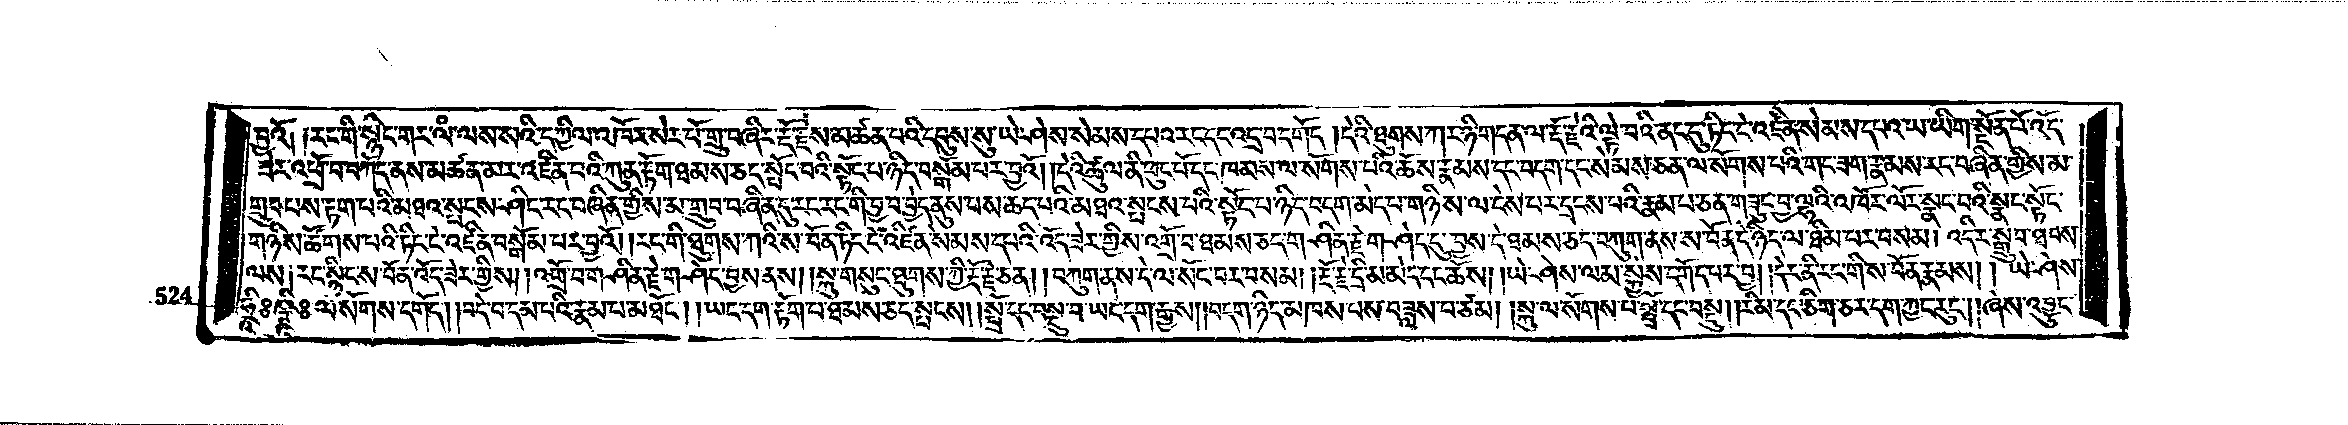བྱའོ། །རང་གི་སྙིང་གར་ལཾ་ལས་སའི་དཀྱིལ་འཁོར་སེར་པོ་གྲུ་བཞིར་རྡོ་རྗེས་མཚན་པའི་དབུས་སུ་ཡེ་ཤེས་སེམས་དཔའ་རང་དང་འདྲ་བ་དགོད། དེའི་ཐུགས་ཀར་ཉི་གདན་ལ་རྡོ་རྗེའི་ལྟེ་བའི་ནང་དུ་ཏིང་ངེ་འཛིན་སེམས་དཔའ་ཡ་ཡིག་སྔོན་པོ་འོད་
ཟེར་འཕྲོ་བ་བཀོད་ནས་མཚན་མར་འཛིན་པའི་ཀུན་རྟོག་ཐམས་ཅད་སྤོང་བའི་སྟོང་པ་ཉིད་བསྒོམ་པར་བྱའོ། །དེའི་ཚུལ་ནི་ཕུང་པོ་དང་ཁམས་ལ་སོགས་པའི་ཆོས་རྣམས་དང་བདག་དང་སེམས་ཅན་ལ་སོགས་པའི་གང་ཟག་རྣམས་རང་བཞིན་གྱིས་མ་
གྲུབ་པས་རྟག་པའི་མཐའ་སྤངས་ཤིང་རང་བཞིན་གྱིས་མ་གྲུབ་བཞིན་དུ་རང་རང་གི་བྱ་བ་བྱེད་ནུས་པས་ཆད་པའི་མཐའ་སྤངས་པའི་སྟོང་པ་ཉིད་བདག་མེད་པ་གཉིས་ལ་ངེས་པར་དྲངས་པའི་རྣམ་པ་ཅན་གཟུང་བྱ་ལྷའི་འཁོར་ལོར་སྣང་བའི་སྣང་སྟོང་
གཉིས་ཚོགས་པའི་ཏིང་ངེ་འཛིན་བསྒོམ་པར་བྱའོ། །རང་གི་ཐུགས་ཀའི་ས་བོན་ཏིང་ངེ་འཛིན་སེམས་དཔའི་འོད་ཟེར་ཀྱིས་འགྲོ་བ་ཐམས་ཅད་གཤིན་རྗེ་གཤེད་དུ་བྱས་དེ་ཐམས་ཅད་བཀུག་ནས་ས་བོན་དེ་ཉིད་ལ་ཐིམ་པར་བསམ། འདིར་སྒྲུབ་ཐབས་
ལས། རང་སྙིང་ས་བོན་འོད་ཟེར་གྱིས། །འགྲོ་བ་གཤིན་རྗེ་གཤེད་བྱས་ནས། །སྐུ་གསུང་ཐུགས་ཀྱི་རྡོ་རྗེ་ཅན། །བཀུག་ནས་དེ་ལ་སོང་བར་བསམ། །རྡོ་རྗེ་དྲི་མ་མེད་དང་ཆོས། །ཡེ་ཤེས་ལམ་སྐྱེས་དགོད་པར་བྱ། །དེར་ནི་རང་གི་ས་བོན་རྣམས། །ཡེ་ཤེས་
ཧྲཱིཿ ཥྚྲཱིཿ ལ་སོགས་དགོད། །བདེ་བ་དམ་པའི་རྣམ་པ་མཐོང་། །ཡང་དག་རྟོག་པ་ཐམས་ཅད་སྤངས། །སྤྲོ་དང་བསྡུ་བ་ཡང་དག་རྒྱས། །བདག་ཉིད་མཁས་པས་བཟླས་པ་ཙམ། །སྐུ་ལ་སོགས་པ་སྤྲོ་དང་བསྡུ། །རིམ་དང་ཅིག་ཅར་དག་ཀྱང་རུང་། །ཞེས་འབྱུང་